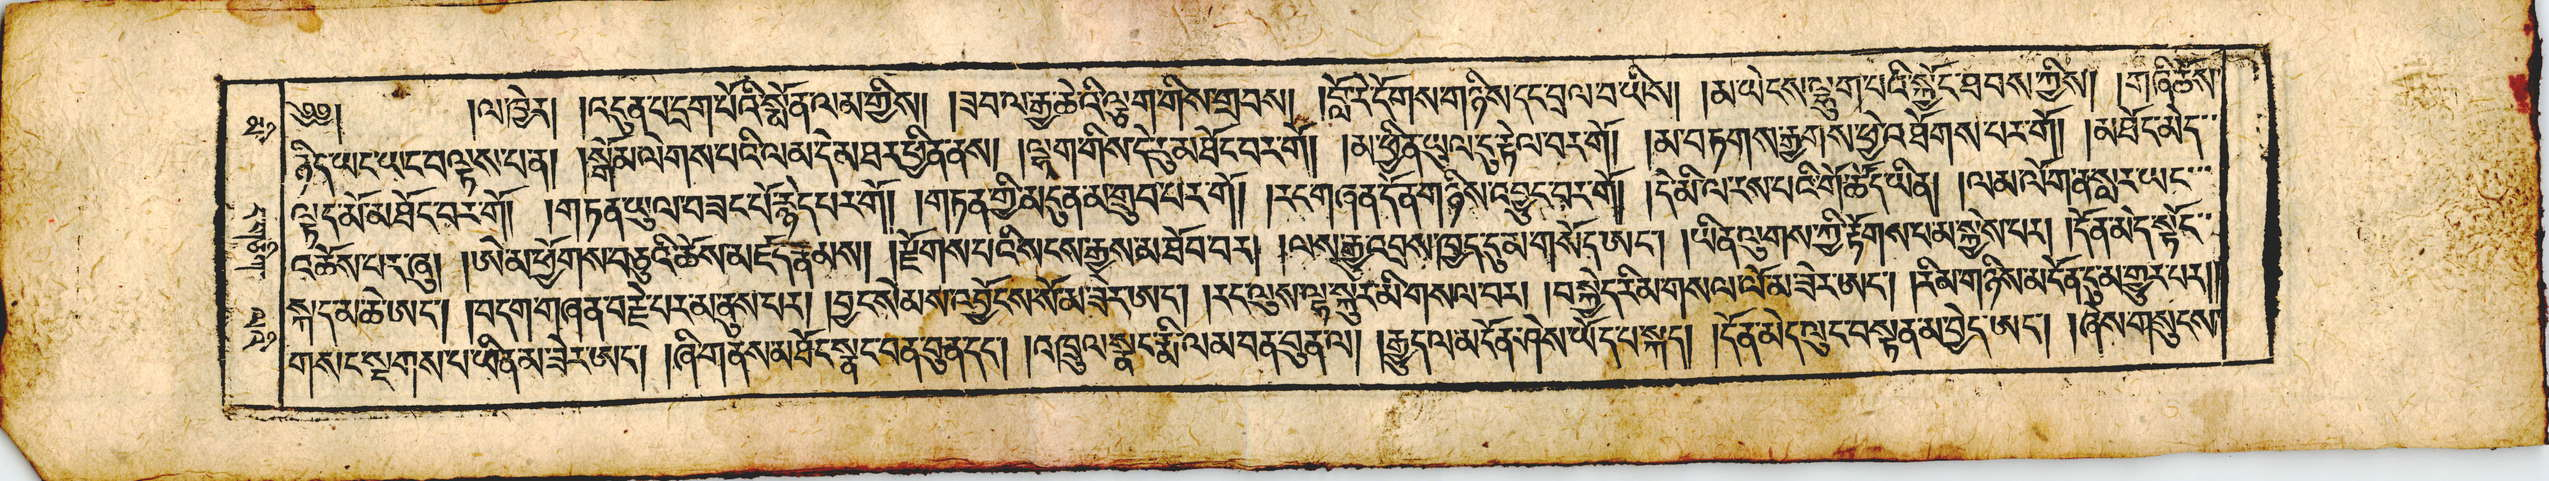ལ་ཁྱེར། །འདུན་པ་དྲག་པོའི་སྨོན་ལམ་གྱིས། །ཟབ་ལ་རྒྱ་ཆེའི་ལྕག་གིས་གྲབས། །བློ་རེ་དོགས་གཉིས་དང་བྲལ་བ་ཡིས། །མ་ཡེངས་ལྷུག་པའི་སྐྱོང་ཐབས་ཀྱིས། །གཞི་ཆོས་
ཉིད་ཡང་ཡང་བལྟས་པ་ན། །སྒོམ་ལེགས་པའི་ལམ་དེ་མཐར་ཕྱིན་ནས། །ལྷག་གིས་དེ་རུ་མཐོང་བར་གོ། །མ་ཕྱིན་ཡུལ་དུ་རྟོལ་བར་གོ། །མ་བཏགས་རྒྱགས་ཕྱེ་ཐོགས་པར་གོ། །མཐོང་མེད་
ལྟད་མོ་མཐོང་བར་གོ། །གཏན་ཡུལ་བཟང་པོ་རྙེད་པར་གོ། །གཏན་གྱི་མདུན་མ་གྲུབ་པར་གོ། །རང་གཞན་དོན་གཉིས་འབྱུང་བར་གོ། །དེ་མི་ལ་རས་པའི་གོ་ཚོད་ཡིན། །ལམ་ལོག་ན་སླར་ཡང་
འཆོས་པར་ཞུ། །ཨེ་མ་ཕྱོགས་བཅུའི་ཆོས་མཛད་རྣམས། །རྫོགས་པའི་སངས་རྒྱས་མ་ཐོབ་བར། །ལས་རྒྱུ་འབྲས་ཁྱད་དུ་མ་གསོད་ཨང་། །ཡིན་ལུགས་ཀྱི་རྟོགས་པ་མ་སྐྱེས་པར། །དོན་མེད་སྟོང་
སྐད་མ་ཆེ་ཨང་། །བདག་གཞན་བརྗེ་བར་མ་ནུས་པར། །བྱང་སེམས་འབྱོངས་སོ་མ་ཟེར་ཨང་། །རང་ལུས་ལྷ་སྐུར་མི་གསལ་བར། །བསྐྱེད་རིམ་གསལ་ལོ་མ་ཟེར་ཨང་། །རིམ་གཉིས་མངོན་དུ་མ་གྱུར་པར། །
གསང་སྔགས་པ་ཡིན་མ་ཟེར་ཨང་། །ཞི་གནས་མཐོང་སྣང་བན་བུན་དང་། །འཁྲུལ་སྣང་རྨི་ལམ་བན་བུན་ལ། །རྒྱུད་ལ་མངོན་ཤེས་ཡོད་པ་སྐད། །དོན་མེད་ལུང་བསྟན་མ་བྱེད་ཨང་། །ཞེས་གསུངས་